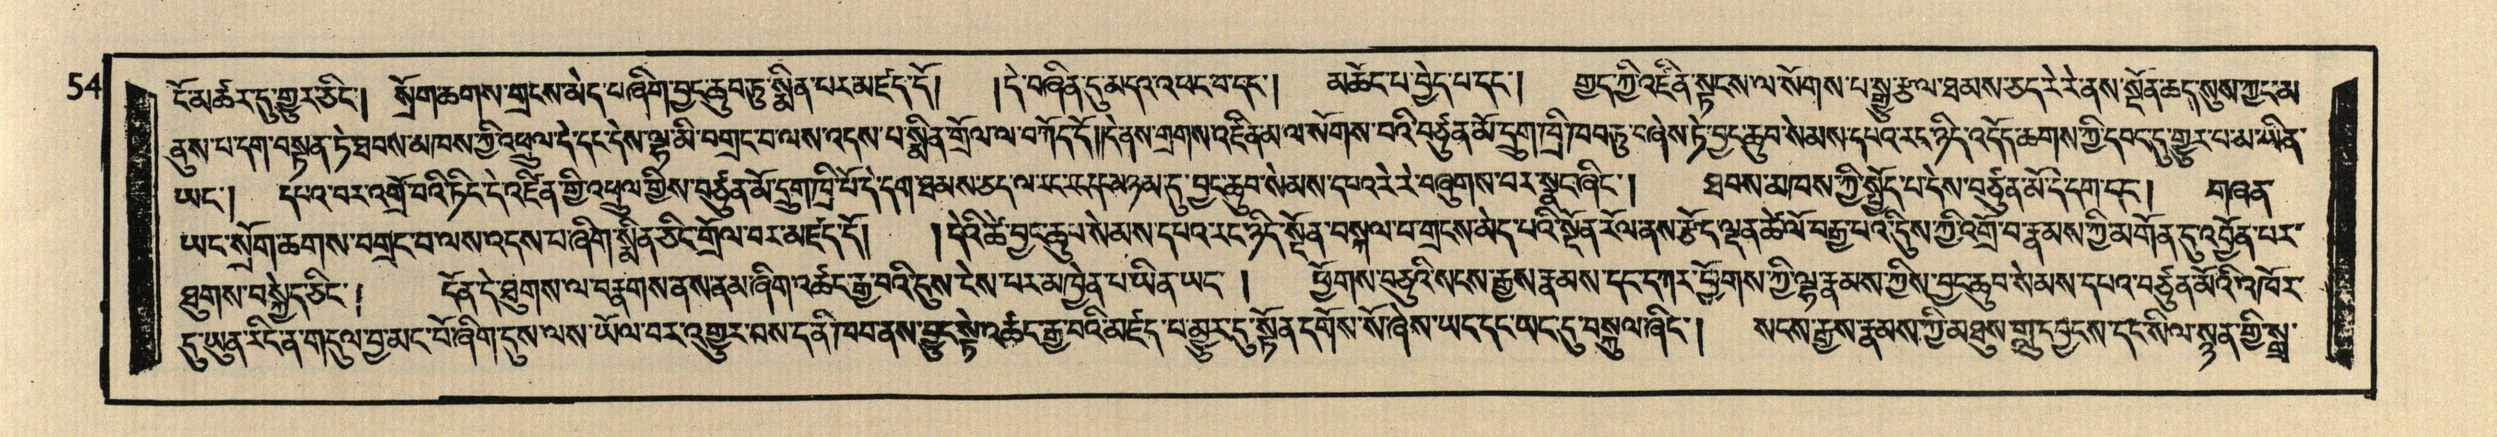ངོ་མཚར་དུ་གྱུར་ཅིང་། སྲོག་ཆགས་གྲངས་མེད་པ་ཞིག་བྱང་ཆུབ་ཏུ་སྨིན་པར་མཛད་དོ། །དེ་བཞིན་དུ་མདའ་འཕང་བ་དང་། མཆོད་པ་བྱེད་པ་དང་། གྱད་ཀྱི་འཛིན་སྟངས་ལ་སོགས་པ་སྒྱུ་རྩལ་ཐམས་ཅད་རེ་རེ་ནས་སྔོན་ཆད་སུས་ཀྱང་མ་
ནུས་པ་དག་བསྟན་ཏེ་ཐབས་མཁས་ཀྱི་འཕྲུལ་དེ་དང་དེས་ལྷ་མི་བགྲང་བ་ལས་འདས་པ་སྨིན་གྲོལ་ལ་བཀོད་དོ། །དེ་ནས་གྲགས་འཛིན་མ་ལ་སོགས་བའི་བཙུན་མོ་དྲུག་ཁྲི་ཁབ་ཏུ་བཞེས་ཏེ་བྱང་ཆུབ་སེམས་དཔའ་རང་ཉིད་འདོད་ཆགས་ཀྱི་དབང་དུ་གྱུར་པ་མ་ཡིན་
ཡང་། དཔའ་བར་འགྲོ་བའི་ཏིང་ངེ་འཛིན་གྱི་འཕྲུལ་གྱིས་བཙུན་མོ་དྲུག་ཁྲི་པོ་དེ་དག་ཐམས་ཅད་ལ་རང་རང་དང་མཉམ་དུ་བྱང་ཆུབ་སེམས་དཔའ་རེ་རེ་བཞུགས་བར་སྣང་ཞིང་། ཐབས་མཁས་ཀྱི་སྤྱོད་པ་དེས་བཙུན་མོ་དེ་དག་དང་། གཞན་
ཡང་སྲོག་ཆགས་བགྲང་བ་ལས་འདས་པ་ཞིག་སྨིན་ཅིང་གྲོལ་བར་མཛད་དོ། །དེའི་ཚེ་བྱང་ཆུབ་སེམས་དཔའ་རང་ཉིད་སྔོན་བསྐལ་པ་གྲངས་མེད་པའི་སྔོན་རོལ་ནས་རྩོད་ལྡན་ཚེ་ལོ་བརྒྱ་པའི་དུས་ཀྱི་འགྲོ་བ་རྣམས་ཀྱི་མགོན་དུ་འབྱོན་པར་
ཐུགས་བསྐྱེད་ཅིང་། དོན་དེ་ཐུགས་ལ་བྲངས་ནས་ནམ་ཞིག་འཚང་རྒྱ་བའི་དུས་ངེས་པར་མཁྱེན་པ་ཡིན་ཡང་། ཕྱོགས་བཅུའི་སངས་རྒྱས་རྣམས་དང་དཀར་ཕྱོགས་ཀྱི་ལྷ་རྣམས་ཀྱིས་བྱང་ཆུབ་སེམས་དཔའ་བཙུན་མོའི་འཁོར་
དུ་ཡུན་རིང་ན་གདུལ་བྱ་མང་པོ་ཞིག་དུས་ལས་ཡོལ་བར་འགྱུར་བས་ད་ནི་ཁབ་ནས་བྱུང་སྟེ་འཚང་རྒྱ་བའི་མཛད་པ་མྱུར་དུ་སྟོན་དགོས་སོ་ཞེས་ཡང་དང་ཡང་དུ་བསྐུལ་ཞིང་། སངས་རྒྱས་རྣམས་ཀྱི་མཐུས་གླུ་དབྱངས་དང་སིལ་སྙན་གྱི་སྒྲ་